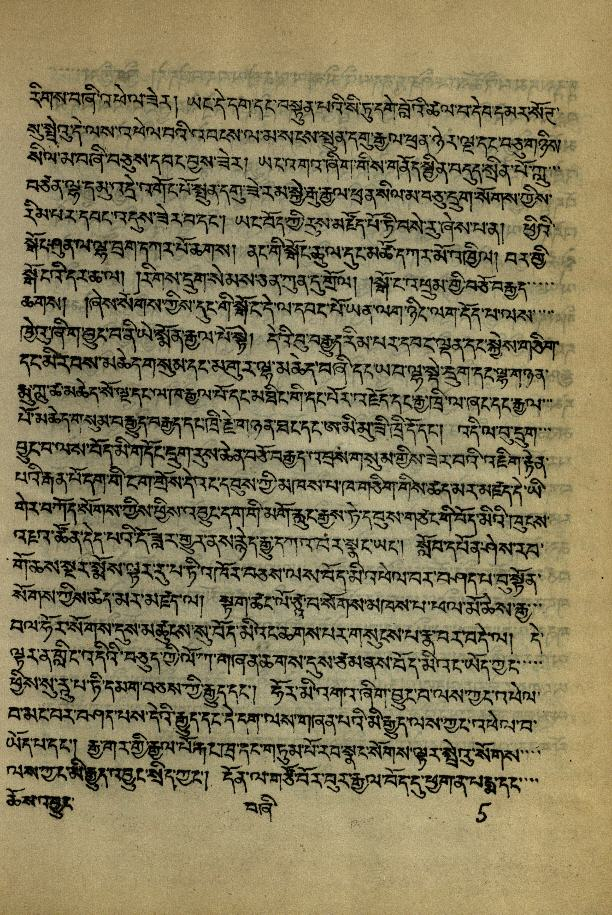རིགས་བཞི་འཕེལ་ཟེར། ཡང་དེ་དག་དང་བསྟུན་པའི་སི་ཏུ་དགེ་བློའི་ཚལ་བ་དེབ་དམར་སོཊ་
སུ་སྤྲེའུ་དེ་ལས་འཕེལ་བའི་འབངས་ལ་མ་སངས་སྤུན་དགུ་རྒྱལ་ཕྲན་ཉེར་ལྔ་དང་བཅུ་གཉིས་
སིལ་མ་བཞི་བཅུས་དབང་བྱས་ཟེར། ཡང་འགའ་ཞིག་གིས་གནོད་སྦྱིན་བདུད་སྲིན་པོ་ཀླུ་
བཙན་ལྷ་དམུ་འདྲེ་འགོང་པོ་སྤུན་དགུ་ཟེ་རམ་སྐྱེ་རྒུ་རྒྱལ་ཕྲན་སིལ་མ་བཅུ་དྲུག་སོགས་ཀྱིས་
རིམ་པར་དབང་འདུས་ཟེར་བ་དང་། ཡང་བོད་ཀྱི་རུས་མཛོད་པོ་ཏི་བསེ་རུ་ཞེས་པ་ན། ཕྱིའི་
སྒོང་ཤུན་ལ་ལྷ་བྲག་དཀར་པོ་ཆགས། ནང་གི་སྒོང་ཆུ་ལ་དུང་མཚོ་དཀར་མོ་འཁྱིལ། བར་གྱི་
སྒོ་ངའི་དར་ཆ་ལ། །རིགས་དྲུག་སེམས་ཅན་ཀུན་དུ་གྲོལ། །སྒོ་ང་འཕྲུམ་གྱི་བཅོ་བརྒྱད་
ཆགས། །ཞེས་སོགས་ཀྱིས་དུང་གི་སྒོ་ང་དེ་ལ་དབང་པོ་ཡན་ལག་ཉིད་ལག་དོད་པ་ལས་
ཁྱེའུ་ཞིག་བྱུང་བ་ནི་ཡེ་སྨོན་རྒྱལ་པོ་སྟེ། དེའི་བུ་བརྒྱུད་རིམ་པར་དབང་ལྡན་དང་སྐྱེས་གཅིག་
དང་མི་རབས་མཆེད་གསུམ་དང་མགུར་ལྷ་མཆེད་བཞི་དང་ཡབ་ལྷ་སྡེ་དྲུག་དང་ལྷ་གཉན་
རྨུ་ཀླུ་ཚ་མཆེད་སོ་ལྔ་དང་ལ་ཁ་རྒྱལ་པོ་དང་མཐིང་གི་དང་པོར་འཇོད་དང་རྒྱ་ཁྲི་ལ་ཞང་དང་རྒྱལ་
པོ་མཆེད་གསུམ་བརྒྱུད་བརྒྱད་དང་ཁྲི་རྗེ་གཉན་ཐང་དང་ཨ་མི་མུ་ཟི་ཁྲི་དོ་དང་། འདི་ལ་བུ་དྲུག་
བྱུང་བ་ལས་བོད་མི་གདོང་དྲུག་རུས་ཆེན་བཅོ་བརྒྱད་འབྲས་གསུམ་གྱིས་ཟེར་བའི་འཇིག་རྟེན་
པའི་རྒན་པོ་དག་གི་ངག་གྲོས་དེའང་དབུས་ཀྱི་མཁས་པ་ཁ་གཅིག་གིས་ཚད་མར་མཛད་དེ་ཡི་
གེར་བཀོད་སོགས་ཀྱིས་ཕྱིས་འབྱུང་དག་གི་མགོ་རླུང་རྒྱས་ཏེ་དབུས་གཙང་གི་བོད་མིའི་ཁུངས་
འཇའ་ཚོན་དེད་པའི་དོ་ཟླར་གྱུར་ནས་རྙེད་རྒྱུ་དཀའ་བར་སྣང་ཡང་། སློབ་དཔོན་ཤེས་རབ་
གོ་ཆས་སྔར་སྨོས་ལྟར་རུ་པ་ཏི་འཁོར་བཅས་ལས་བོད་མི་འཕེལ་བར་བཤད་པ་བུ་སྟོན་
སོགས་ཀྱིས་ཚད་མར་མཛད་ལ། སྟག་ཚང་ལོ་ཙཱ་བ་སོགས་མཁས་པ་ཕལ་མོ་ཆེས་རྒྱ་
བལ་ཧོར་སོགས་དུས་མཚུངས་སུ་བོད་མིའང་ཆགས་པར་གསུངས་པ་རྣ་བར་བདེ་ལ། དེ་
ལྟར་ན་གླིང་འདིའི་བཅུད་ཀྱི་ལོ་ཀ་གཞན་ཆགས་དུས་ཙམ་ནས་བོད་མིའང་ཡོད་ཀྱང་
ཕྱིས་སུ་རཱུ་པ་ཏི་དམག་བཅས་ཀྱི་རྒྱུད་དང་། ཧོར་མི་འགའ་ཞིག་བྱུང་བ་ལས་ཀྱང་འཕེལ་
བ་མང་བར་བཤད་པས་དེའི་རྒྱུད་དང་དེ་དག་ལས་གཞན་པའི་མི་རྒྱུད་ལས་ཀྱང་འཕེལ་བ་
ཡོད་པ་དང་། རྒྱ་གར་གྱི་རྒྱལ་པོ་རྐང་ཁྲ་དང་གཏུམ་པོ་རབ་སྣང་སོགས་ལྟར་སྤྲེའུ་སོགས་
ལས་ཀྱང་མི་རྒྱུད་འབྱུང་སྲིད་ཀྱང་། དོན་ལ་གཙོ་བོར་བུར་རྒྱལ་བོད་དུ་ཕྱག་ན་པདམ་དང་